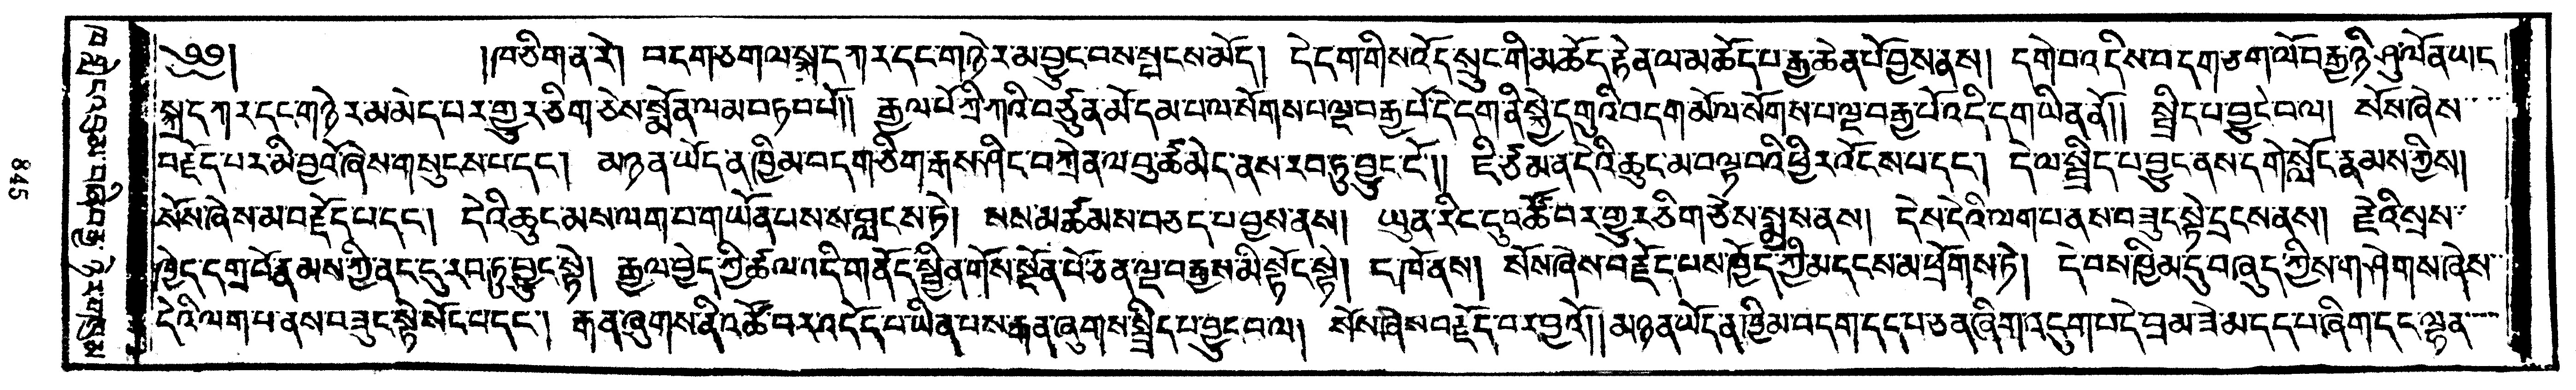༄༅། །ཁ་ཅིག་ན་རེ། བདག་ཅག་ལ་སྐྲ་དཀར་དང་གཉེར་མ་བྱུང་བས་སྤངས་མོད། དེ་དག་གིས་འོད་སྲུང་གི་མཆོད་རྟེན་ལ་མཆོད་པ་རྒྱ་ཆེན་པོ་བྱས་ནས། དགེ་བ་འདིས་བདག་ཅག་ལོ་བརྒྱ་ཉི་ཤུ་ལོན་ཡང་
སྐྲ་དཀར་དང་གཉེར་མ་མེད་པར་གྱུར་ཅིག་ཅེས་སྨོན་ལམ་བཏབ་པོ།། རྒྱལ་པོ་ཀྲི་ཀའི་བཙུན་མོ་དམ་པ་ལ་སོགས་པ་ལྔ་བརྒྱ་པོ་དེ་དག་ནི་སྐྱེ་དགུའི་བདག་མོ་ལ་སོགས་པ་ལྔ་བརྒྱ་པོ་འདི་དག་ཡིན་ནོ།། སྦྲིད་པ་བྱུངེ?་བ་ལ། སོས་ཞེས་
བརྗོད་པར་མི་བྱའོ་ཞེས་གསུངས་པ་དང་། མཉན་ཡོད་ན་ཁྱིམ་བདག་ཅིག་རྒས་ཤིང་བཀྲེན་ལ་བུ་ཚ་མེད་ནས་རབ་ཏུ་བྱུང་ངོ།། ཇི་ཙམ་ན་དེའི་ཆུང་མ་བལྟ་བའི་ཕྱིར་འོངས་པ་དང་། དེ་ལ་སྦྲིད་པ་བྱུང་ནས་དགེ་སློང་རྣམས་ཀྱིས།
སོས་ཞེས་མ་བརྗོད་པ་དང་། དེའི་ཆུང་མས་ལག་པ་གཡོན་པས་ས་བླངས་ཏེ། སས་མཚམས་བཅད་པ་བྱས་ནས། ཡུན་རིང་དུ་འཚོ་བར་གྱུར་ཅིག་ཅེས་སྨྲས་ནས། དེས་དེའི་ལག་པ་ནས་བཟུང་སྟེ་དྲངས་ནས། རྗེའི་སྲས་
ཁྱེད་དགྲ་བོ་རྣམས་ཀྱི་ནང་དུ་རབ་ཏུ་བྱུང་སྟེ། རྒྱལ་བྱེད་ཀྱི་ཚལ་འདི་གནོད་སྦྱིན་གོས་སྔོན་པོ་ཅན་ལྔ་བརྒྱས་མི་སྟོང་སྟེ། ང་ཁོ་ནས། སོས་ཞེས་བརྗོད་པས་ཁྱོད་ཀྱི་མདངས་མ་ཕྲོགས་ཏེ། དེ་བས་ཁྱིམ་དུ་བཞུད་ཀྱིས་གཤེགས་ཞེས་
དེའི་ལག་པ་ནས་བཟུང་སྟེ་སོང་པ་དང་། རྒན་ཞུགས་ནི་འཚོ་བར་འདོད་པ་ཡིན་པས་རྒན་ཞུགས་སྦྲིད་པ་བྱུང་བ་ལ། སོས་ཞེས་བརྗོད་པར་བྱའོ། །མཉན་ཡོད་ན་ཁྱིམ་བདག་དད་པ་ཅན་ཞིག་འདུག་པ་དེ་བྲམ་ཟེ་མ་དད་པ་ཞིག་དང་ལྷན་